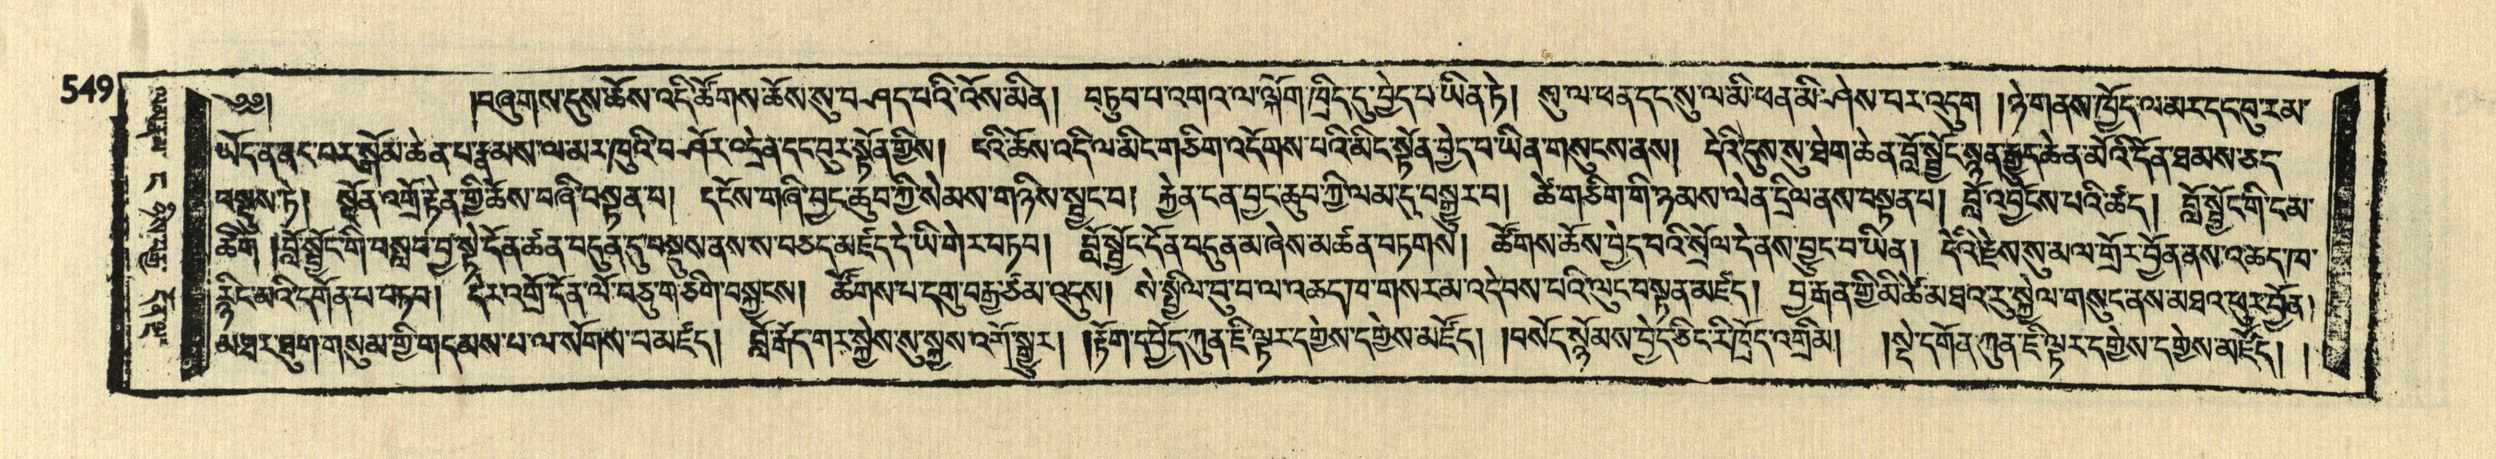༄༅། །བཞུགས་དུས་ཆོས་འདི་ཚོགས་ཆོས་སུ་བཤད་པའི་འོས་མིན། བཏུབ་པ་འགའ་ལ་ལྐོག་ཁྲིད་དུ་བྱེད་པ་ཡིན་ཏེ། སུ་ལ་ཕན་དང་སུ་ལ་མི་ཕན་མི་ཤེས་པར་འདུག །ཉེ་གནས་ཁྱོད་ལ་མར་དང་བུ་རམ་
ཡོད་ན་ནང་བར་སྒོམ་ཆེན་པ་རྣམས་ལ་མར་ཁུའི་བ་ཤོར་འདྲེན་དང་བུར་སྟོན་གྱིས། ངའི་ཆོས་འདི་ལ་མིང་གཅིག་འདོགས་པའི་མིང་སྟོན་བྱེད་པ་ཡིན་གསུངས་ནས། དེའི་དུས་སུ་ཐེག་ཆེན་བློ་སྦྱོང་སྙན་རྒྱུད་ཆེན་མོའི་དོན་ཐམས་ཅད་
བསྡུས་ཏེ། སྔོན་འགྲོ་རྟེན་གྱི་ཆོས་བཞི་བསྟན་པ། དངོས་གཞི་བྱང་ཆུབ་ཀྱི་སེམས་གཉིས་སྦྱང་བ། རྐྱེན་ངན་བྱང་ཆུབ་ཀྱི་ལམ་དུ་བསྒྱུར་བ། ཚེ་གཅིག་གི་ཉམས་ལེན་དྲིལ་ནས་བསྟན་པ། བློ་འབྱོངས་པའི་ཚད། བློ་སྦྱོང་གི་ངམ་
ཚིག །བློ་སྦྱོང་གི་བསླབ་བྱ་སྟེ་དོན་ཚན་བདུན་དུ་བསྡུས་ནས་ས་བཅད་མཛད་དེ་ཡི་གེར་བཏབ། བློ་སྦྱོང་དོན་བདུན་མ་ཞེས་མཚན་བཏགས། ཚོགས་ཆོས་བྱེད་བའི་སྲོལ་དེ་ནས་བྱུང་བ་ཡིན། དེའི་རྗེས་སུ་མལ་གྲོར་བྱོན་ནས་འཆད་ཁ་
རྙིང་མའི་དགོན་པ་བཏབ། དེར་འགྲོ་དོན་ལོ་བཅུ་གཅིག་བསྐྱངས། ཚོགས་པ་དགུ་བརྒྱ་ཙམ་འདུས། སེ་སྤྱིལ་བུ་བ་ལ་འཆད་ཁ་གསར་མ་འདེབས་པའི་ལུང་བསྟན་མཛད། བྱ་རྒན་གྱི་མི་ཚེ་མཐའ་རུ་སྐྱེལ་གསུང་ནས་མཐའ་ཕུར་བྱོན།
མཐར་ཐུག་གསུམ་གྱི་གདམས་པ་ལ་སོགས་བ་མཛད། བློ་རྒོད་གར་སྐྱེས་སུ་སྐྱས་འགོ་སྒྱུར། །རྟོག་དབྱོད་ཀུན་ཇི་ལྟར་དགྱེས་དགྱེས་མཛོད། །བསོད་སྙོམས་བྱེད་ཅིང་རི་ཁྲོད་འགྲིམ། །སྡེ་དགོན་ཀུན་ཇི་ལྟར་དགྱེས་དགྱེས་མཛོད། །